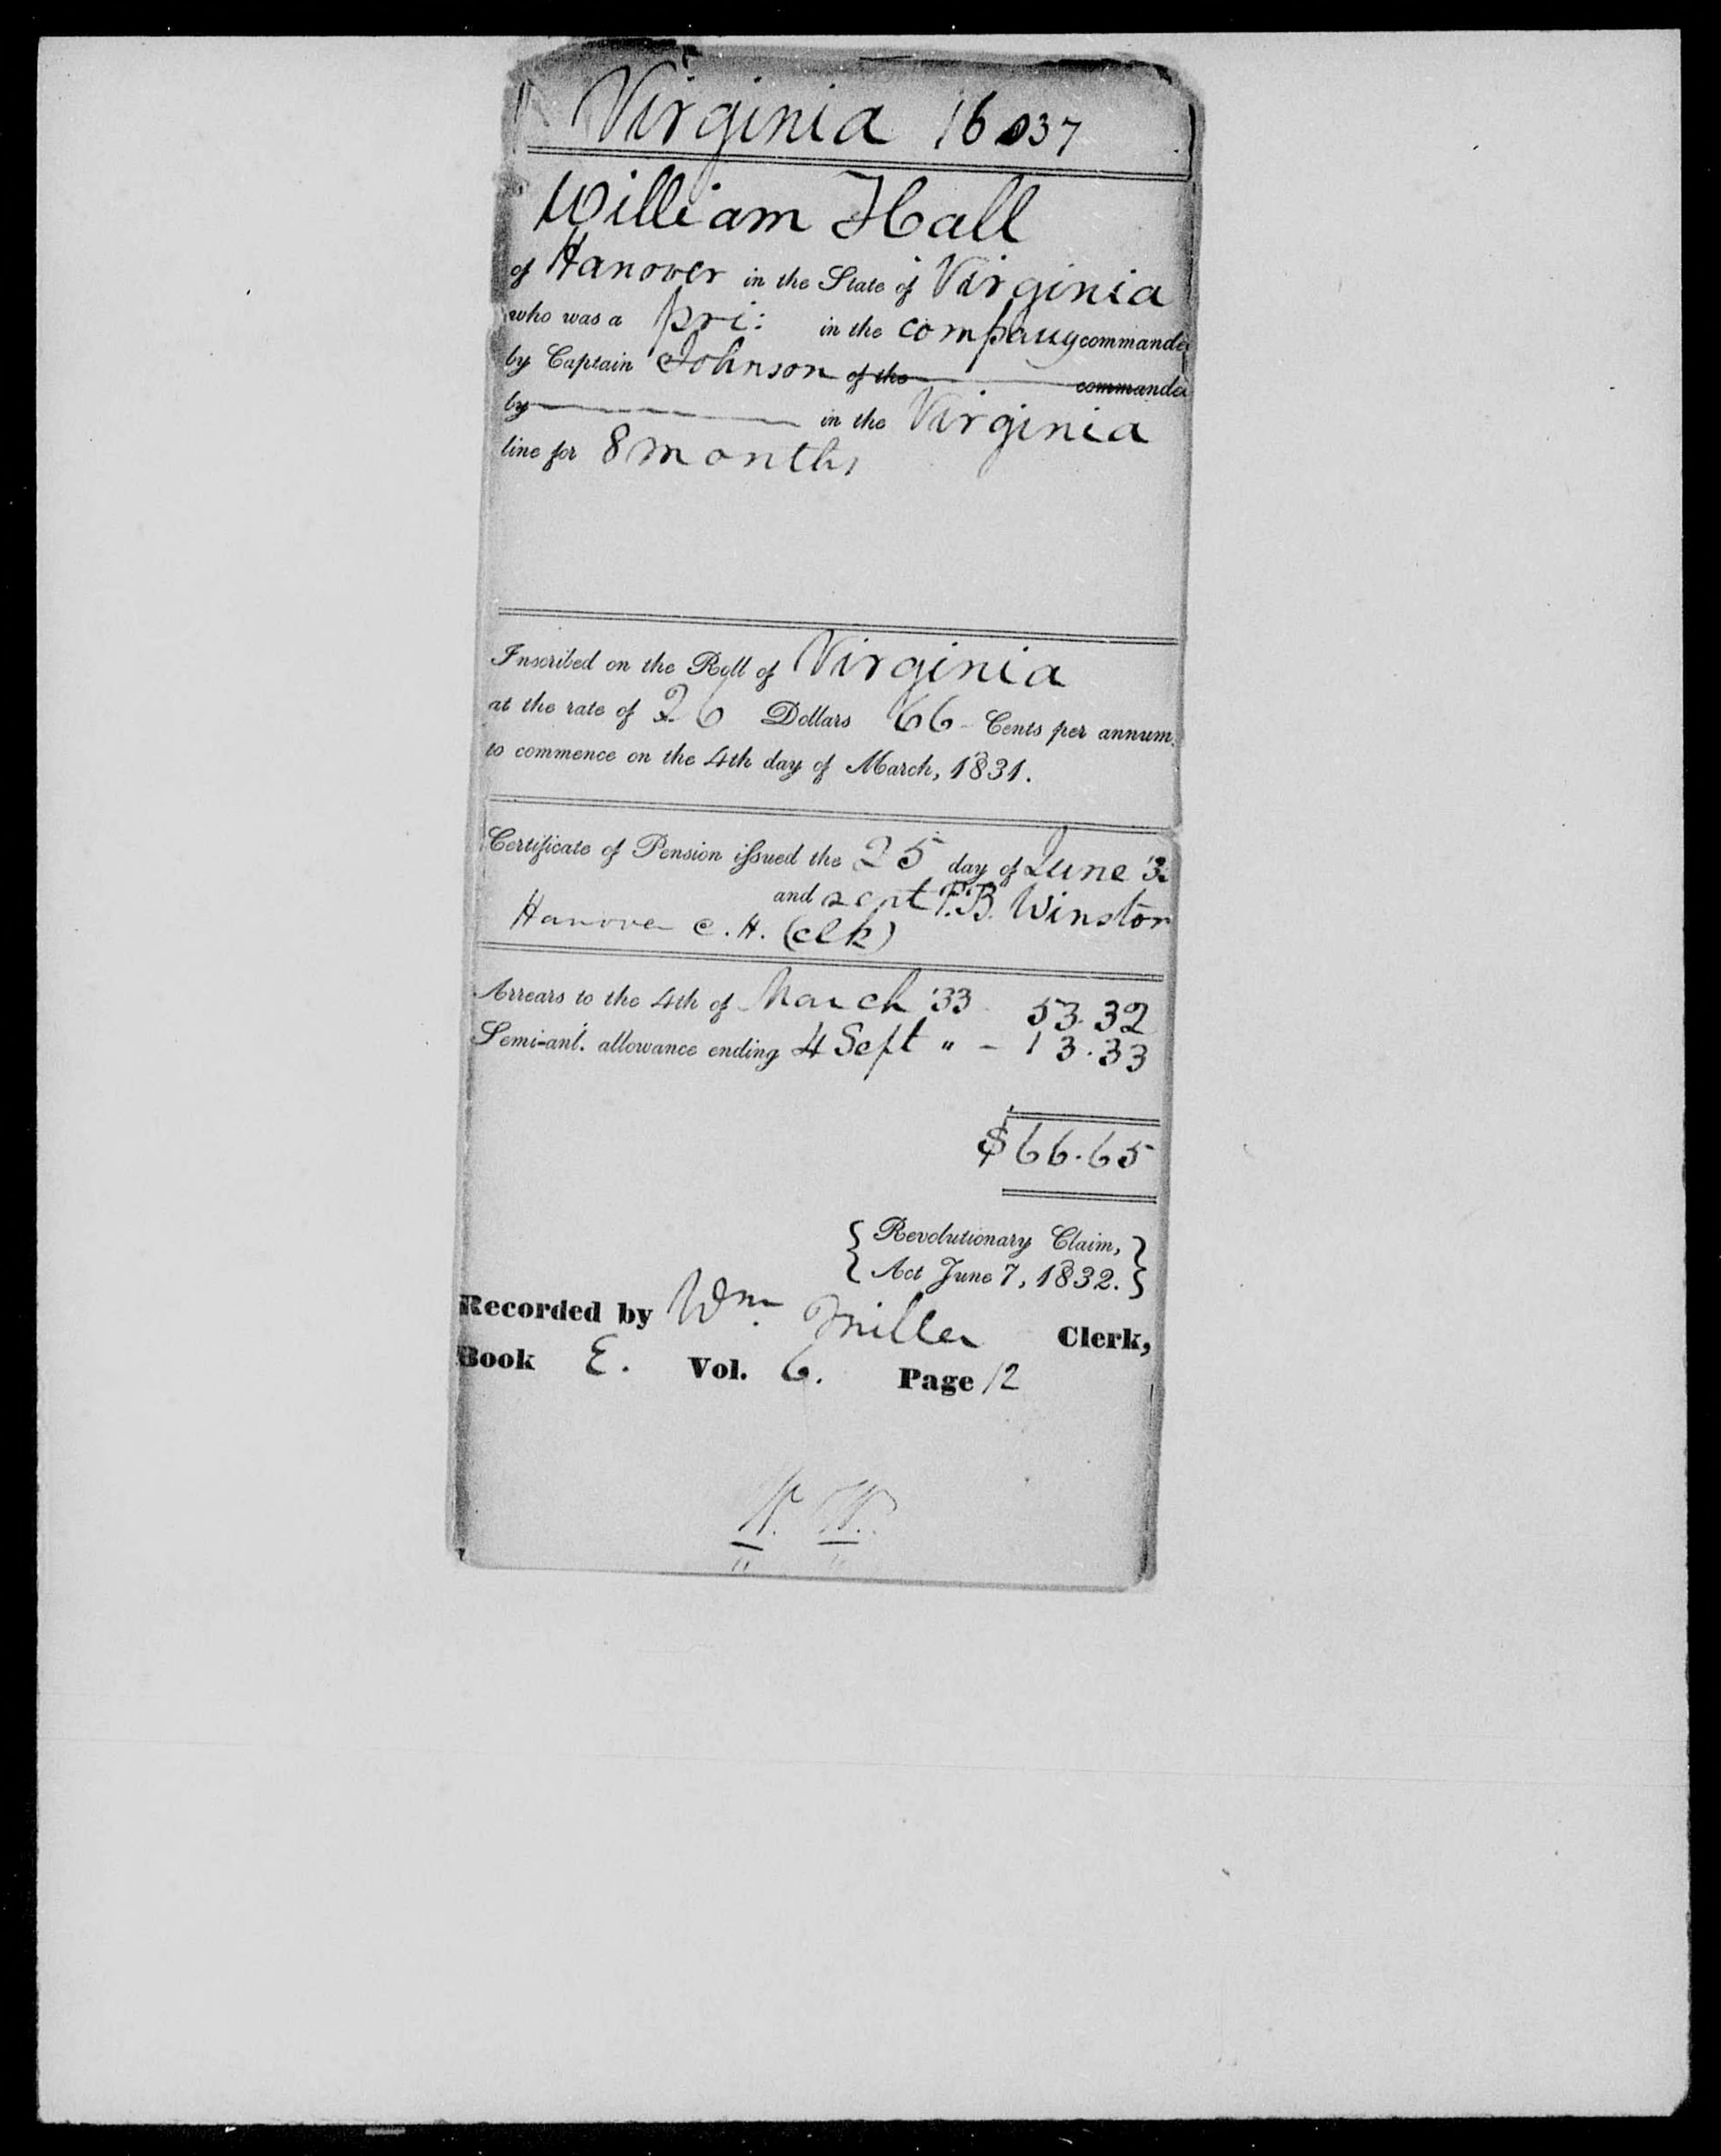Virginia 16037
William Hall
of Hanover in the State of Virginia 
was a pri: [private] in the company commanded by Captain Johnson of in the Virginia line for 8 months

Inscribed on the Roll of Virginia
at the rate of 26 Dollars 66 Cents per annum
to commence on the 4th day of March, 1831.

Certificate of Pension issued the 25 day of June [illegible] and sent P. B. Winston
Hanover C.H. [Court House] (clk) [clerk]

Arrears to the 4th of March 33           53.32
Semi-anl. allowance ending 4 Sept    13.33
[Total]                                                  $66.65

{Revolutionary Claim,
Act June 7, 1832.}

Recorded by Wm. Miller Clerk,
Book E. Vol. 6. Page 12
W. W.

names: William Hall, Wm Miller, P B Winston, Johnson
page: 2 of 15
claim: survivor's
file: S. 5475, William Hall, Va.